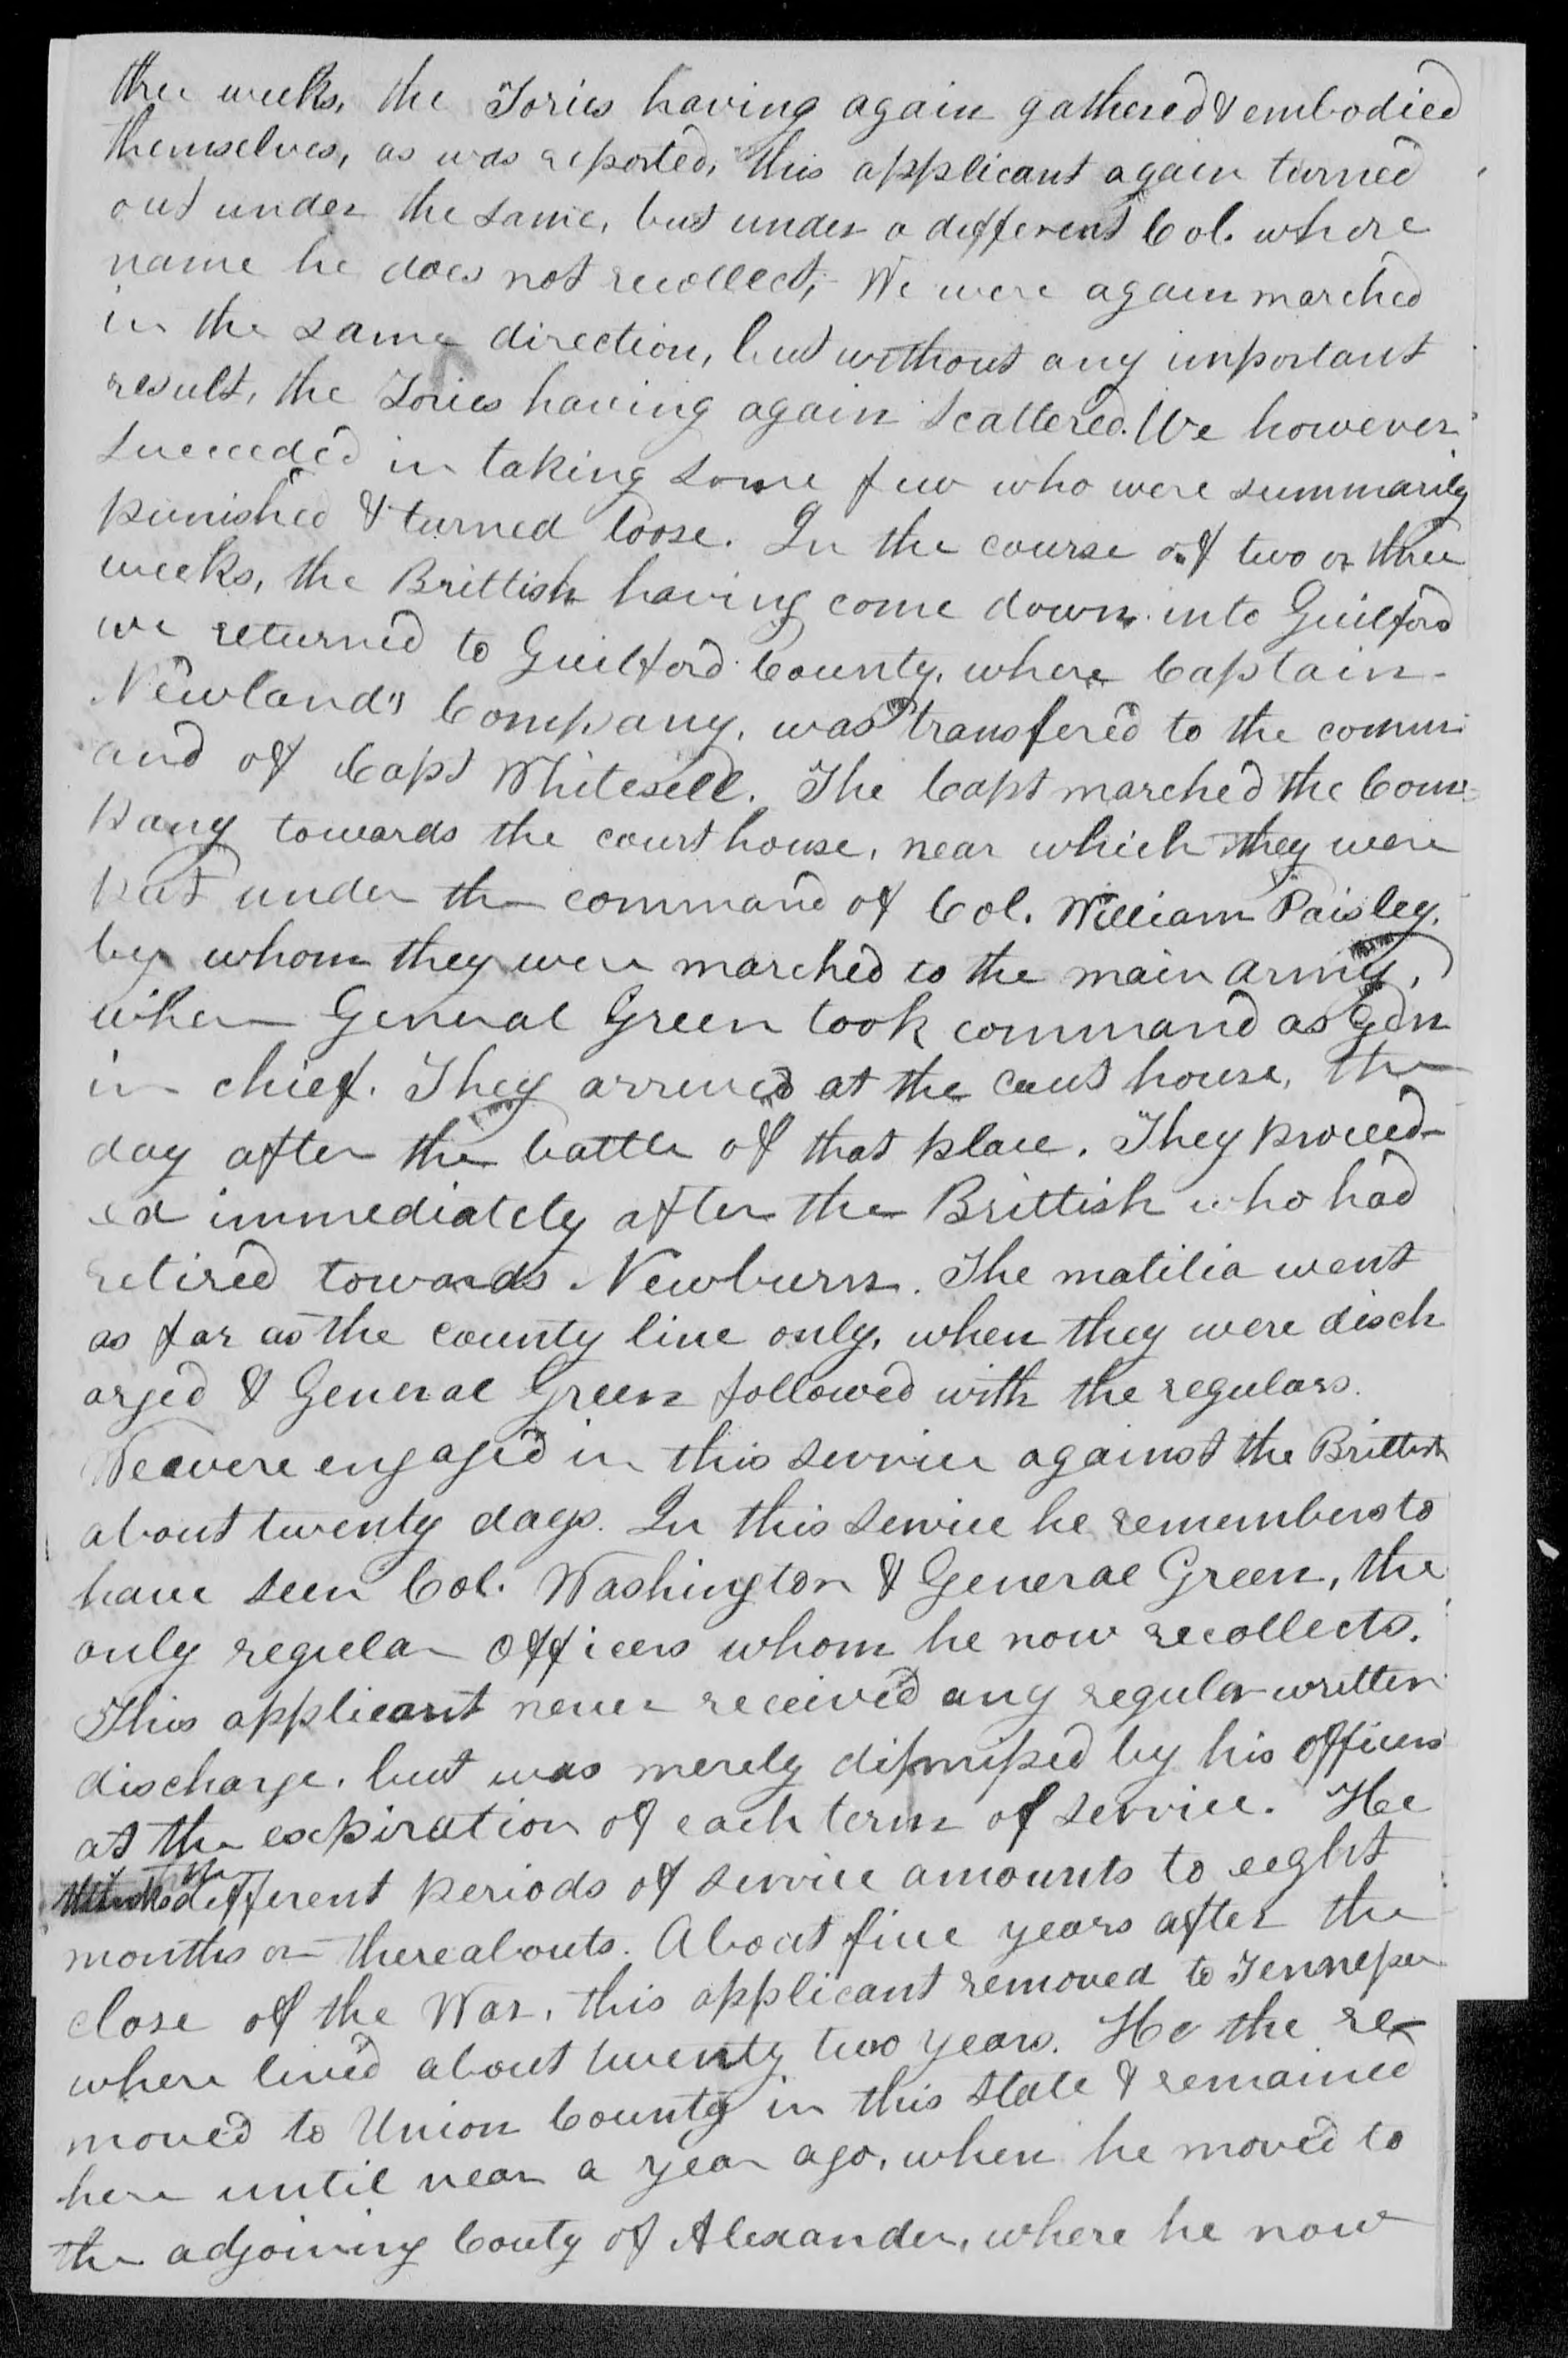three weeks, the Tories having again gathered & embodied
themselves, as was reported, this applicant again turned
out under the same, but under a different Col. whose
name he does not recollect.  We were again marched
in the same direction, but without any important
result, the Tories having again scattered. We however
succeeded in taking some few who were summarily
punished & turned loose. In the course of two or three
weeks, the Brittish [British] having come down into Guilford
we returned to Guilford County, where Captain
Newland's Company, was transfered [transferred] to the comm
and of Capt Whitesell. The Capt marched the Com
pany towards the court house, near which they were
under the command of Col. William Paisley,
by whom they were marched to the main army,
when General Green took command as gen
in chief. They arrived at the court house the
day after the battle of that place. They proceed-
ed immediately after the Brittish [British] who had
retired towards Newburn. The matilia [militia] went
as far as the county line only, when they were disch
arged & General Green followed with the regulars
We were engaged in this service against the Brittish [British]
about twenty days. In this service he remembers to
have seen Col. Washington & General Green, the
only regular officers whom he now recollects.
This applicant never received any regular written
discharge, but was merely dismissed by his officers
at the expiration of each term of service. The
[page damage] different periods of service amounts to eight
months or thereabouts. About five years after the
close of the War, this applicant removed to Tennessee
where lived about twenty two years. He the [then] re-
moved to Union County in this State & remained
here until near a year ago, when he moved to
the adjoining County of Alexander, where he now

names: Green, Green, Washington, William Paisley, Green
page: 5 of 23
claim: survivor's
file: S. 30,937, Adam Clapp, N.C.